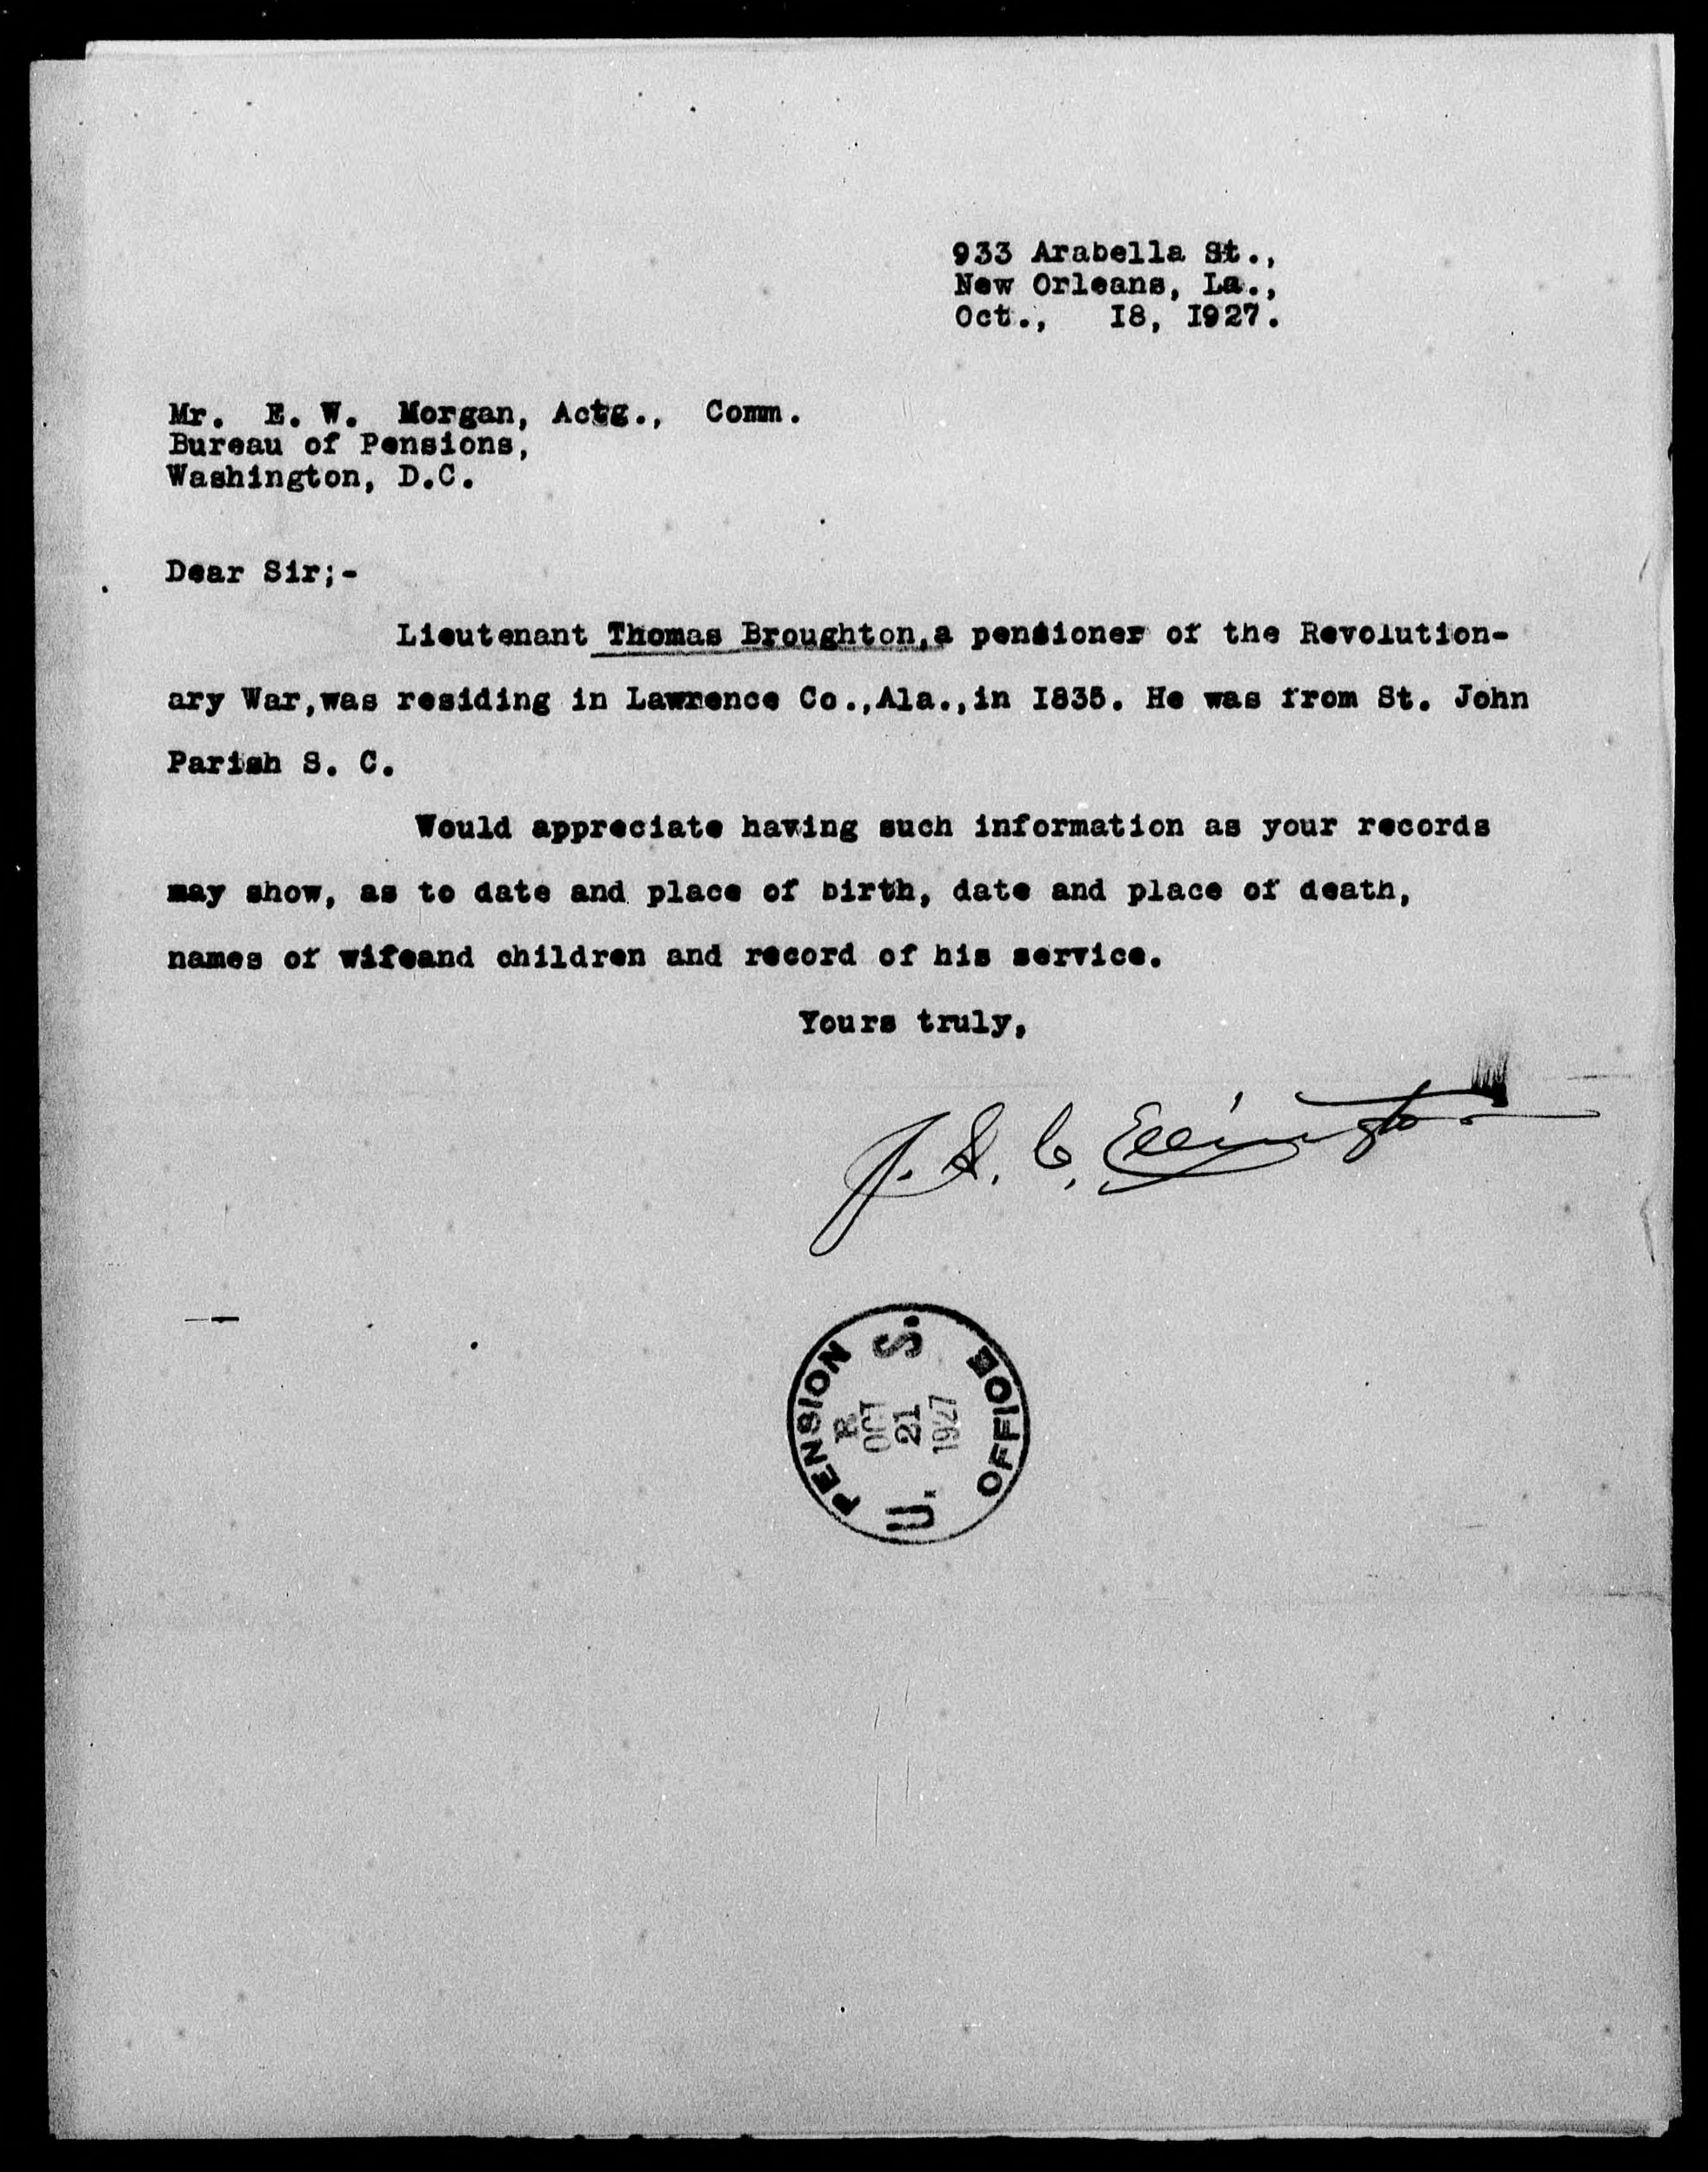933 Arabella St.
New Orleans, La.,
Oct.,18, 1927.

Mr. E. W. Morgan, Actg, Comm.
Bureau of Pensions,
Washington, D.C.

Dear Sir;

Lieutenant Thomas Broughton a pensioner of the Revolutionary War,
residing in Lawrence Co., Ala., in 1835. He was from St. John
Parish S. C.

Would appreciate having such information as your records
may show, as to date and place of birth, date and place of death,
names of wife and children and record of his service.
Yours truly,
J. S. C. Ellington

[stamp]
PENSION
R
OCT
21
1927
0FFICE
U.S.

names: Thomas Broughton, J S C Ellington, E W Morgan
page: 67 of 72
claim: widow's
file: W. 897, Thomas Broughton, S.C.